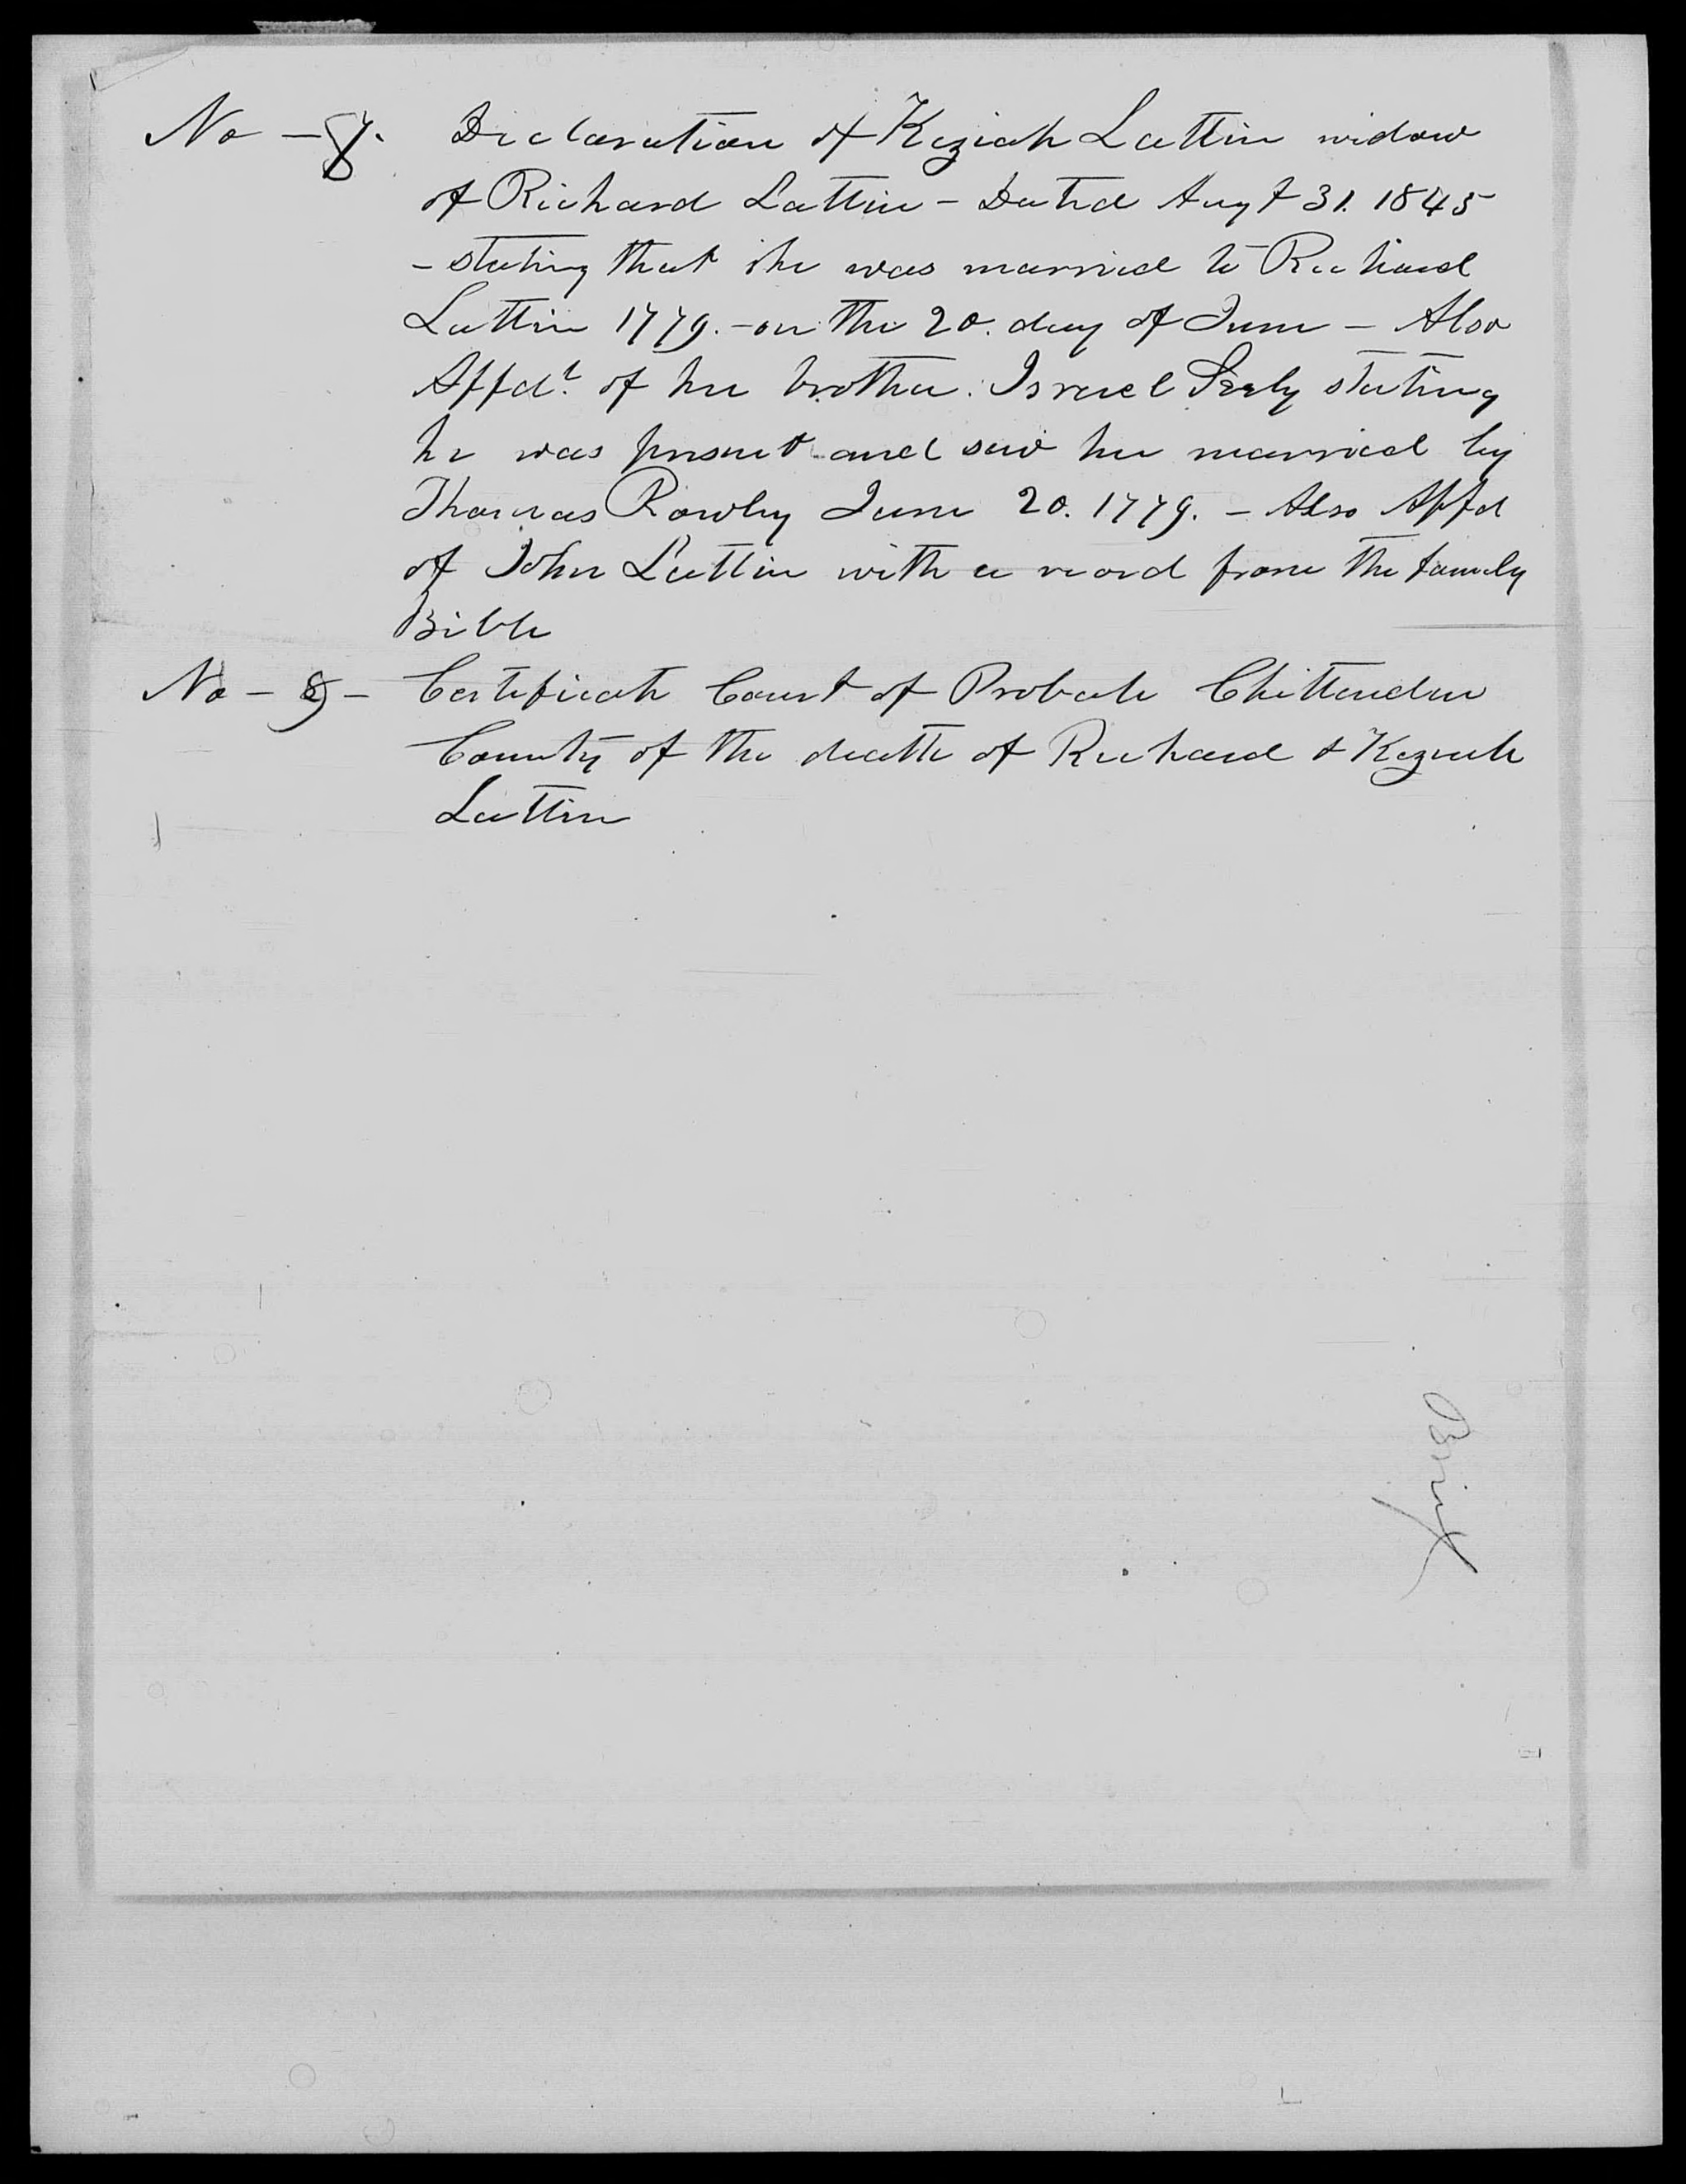Brief

No. 8.  Declaration of Keziah Lattin widow
of Richard Lattin - Dated Aug 31. 1845
stating that she was married to Richard
Lattin 1779 on the 20 day of June-- Also
Affd’t of her brother: Israel Seely stating
he was present and saw her married by
Thomas Rowley June 20, 1779.- Also Affd’t
of John Luttin with a record from the family
Bible
No. 9. Certificate Court of Probate Chittenden
County of the death of Richard & Keziah
Lattin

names: John Lattin; Israel Seely; Keziah Lattin; Richard Lattin; Thomas Rowley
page: 57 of 99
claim: widow's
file: W. 24,482, for Richard Lattin, Vermont